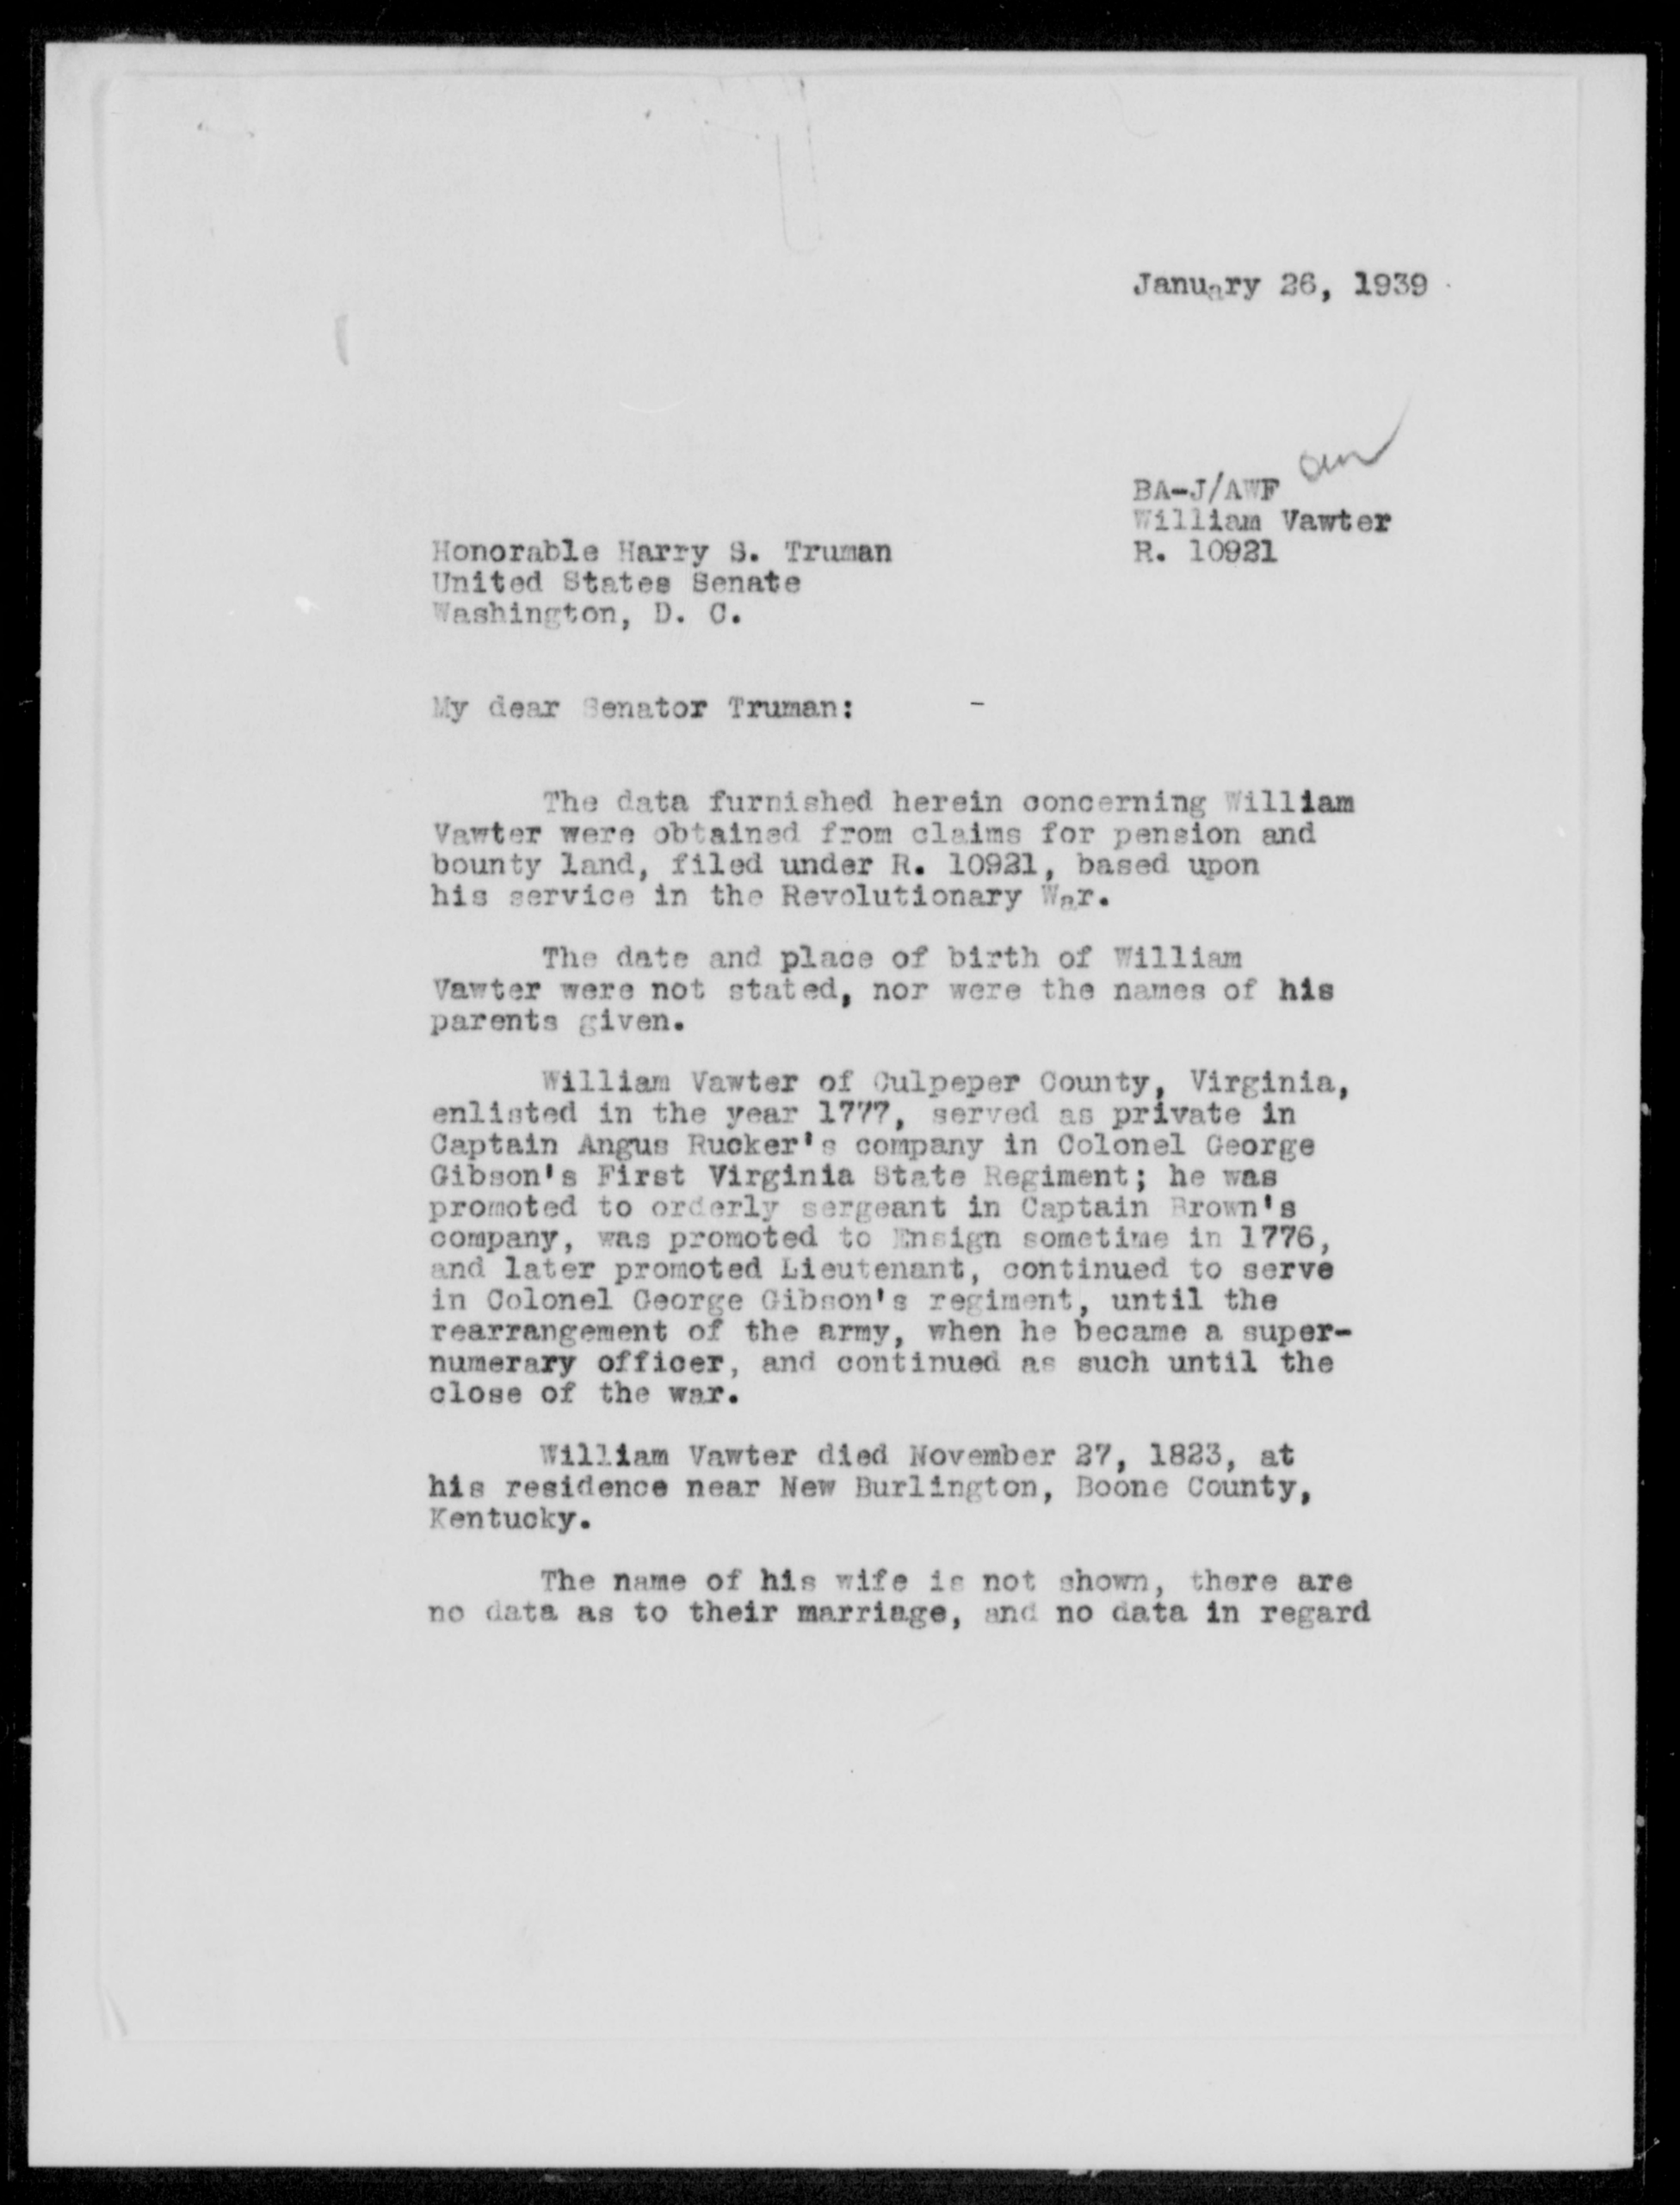January 26, 1939

BA-J/AWF
William Vawter
R. 10921

Honorable Harry S. Truman
United States Senate
Washington, D. C.
My dear Senator Truman:

The data furnished herein concerning William
Vawter were obtained from claims for pension and
bounty land, filed under R. 10921, based upon
his service in the Revolutionary War.
The date and place of birth of William
Vawter were not stated, nor were the names of his
parents given.
William Vawter of Culpeper County, Virginia,
enlisted in the year 1777, served as private in
Captain Angus Rucker's company in Colonel George
Gibson's First Virginia State Regiment; he was
promoted to orderly sergeant in Captain Brown's
company, was promoted to Ensign sometime in 1776,
and later promoted Lieutenant, continued to serve
in Colonel George Gibson's regiment, until the
rearrangement of the army, when he became a supernumerary
officer, and continued as such until the
close of the war.
William Vawter died November 27, 1823, at
his residence near New Burlington, Boone County,
Kentucky.
The name of his wife is not shown, there are
no data as to their marriage, and no data in regard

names: William Vawter, William Vawter, William Vawter, William Vawter, William Vawter, Harry S Truman, Truman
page: 7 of 51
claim: rejected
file: R. 10,921, William Vawter, Va.